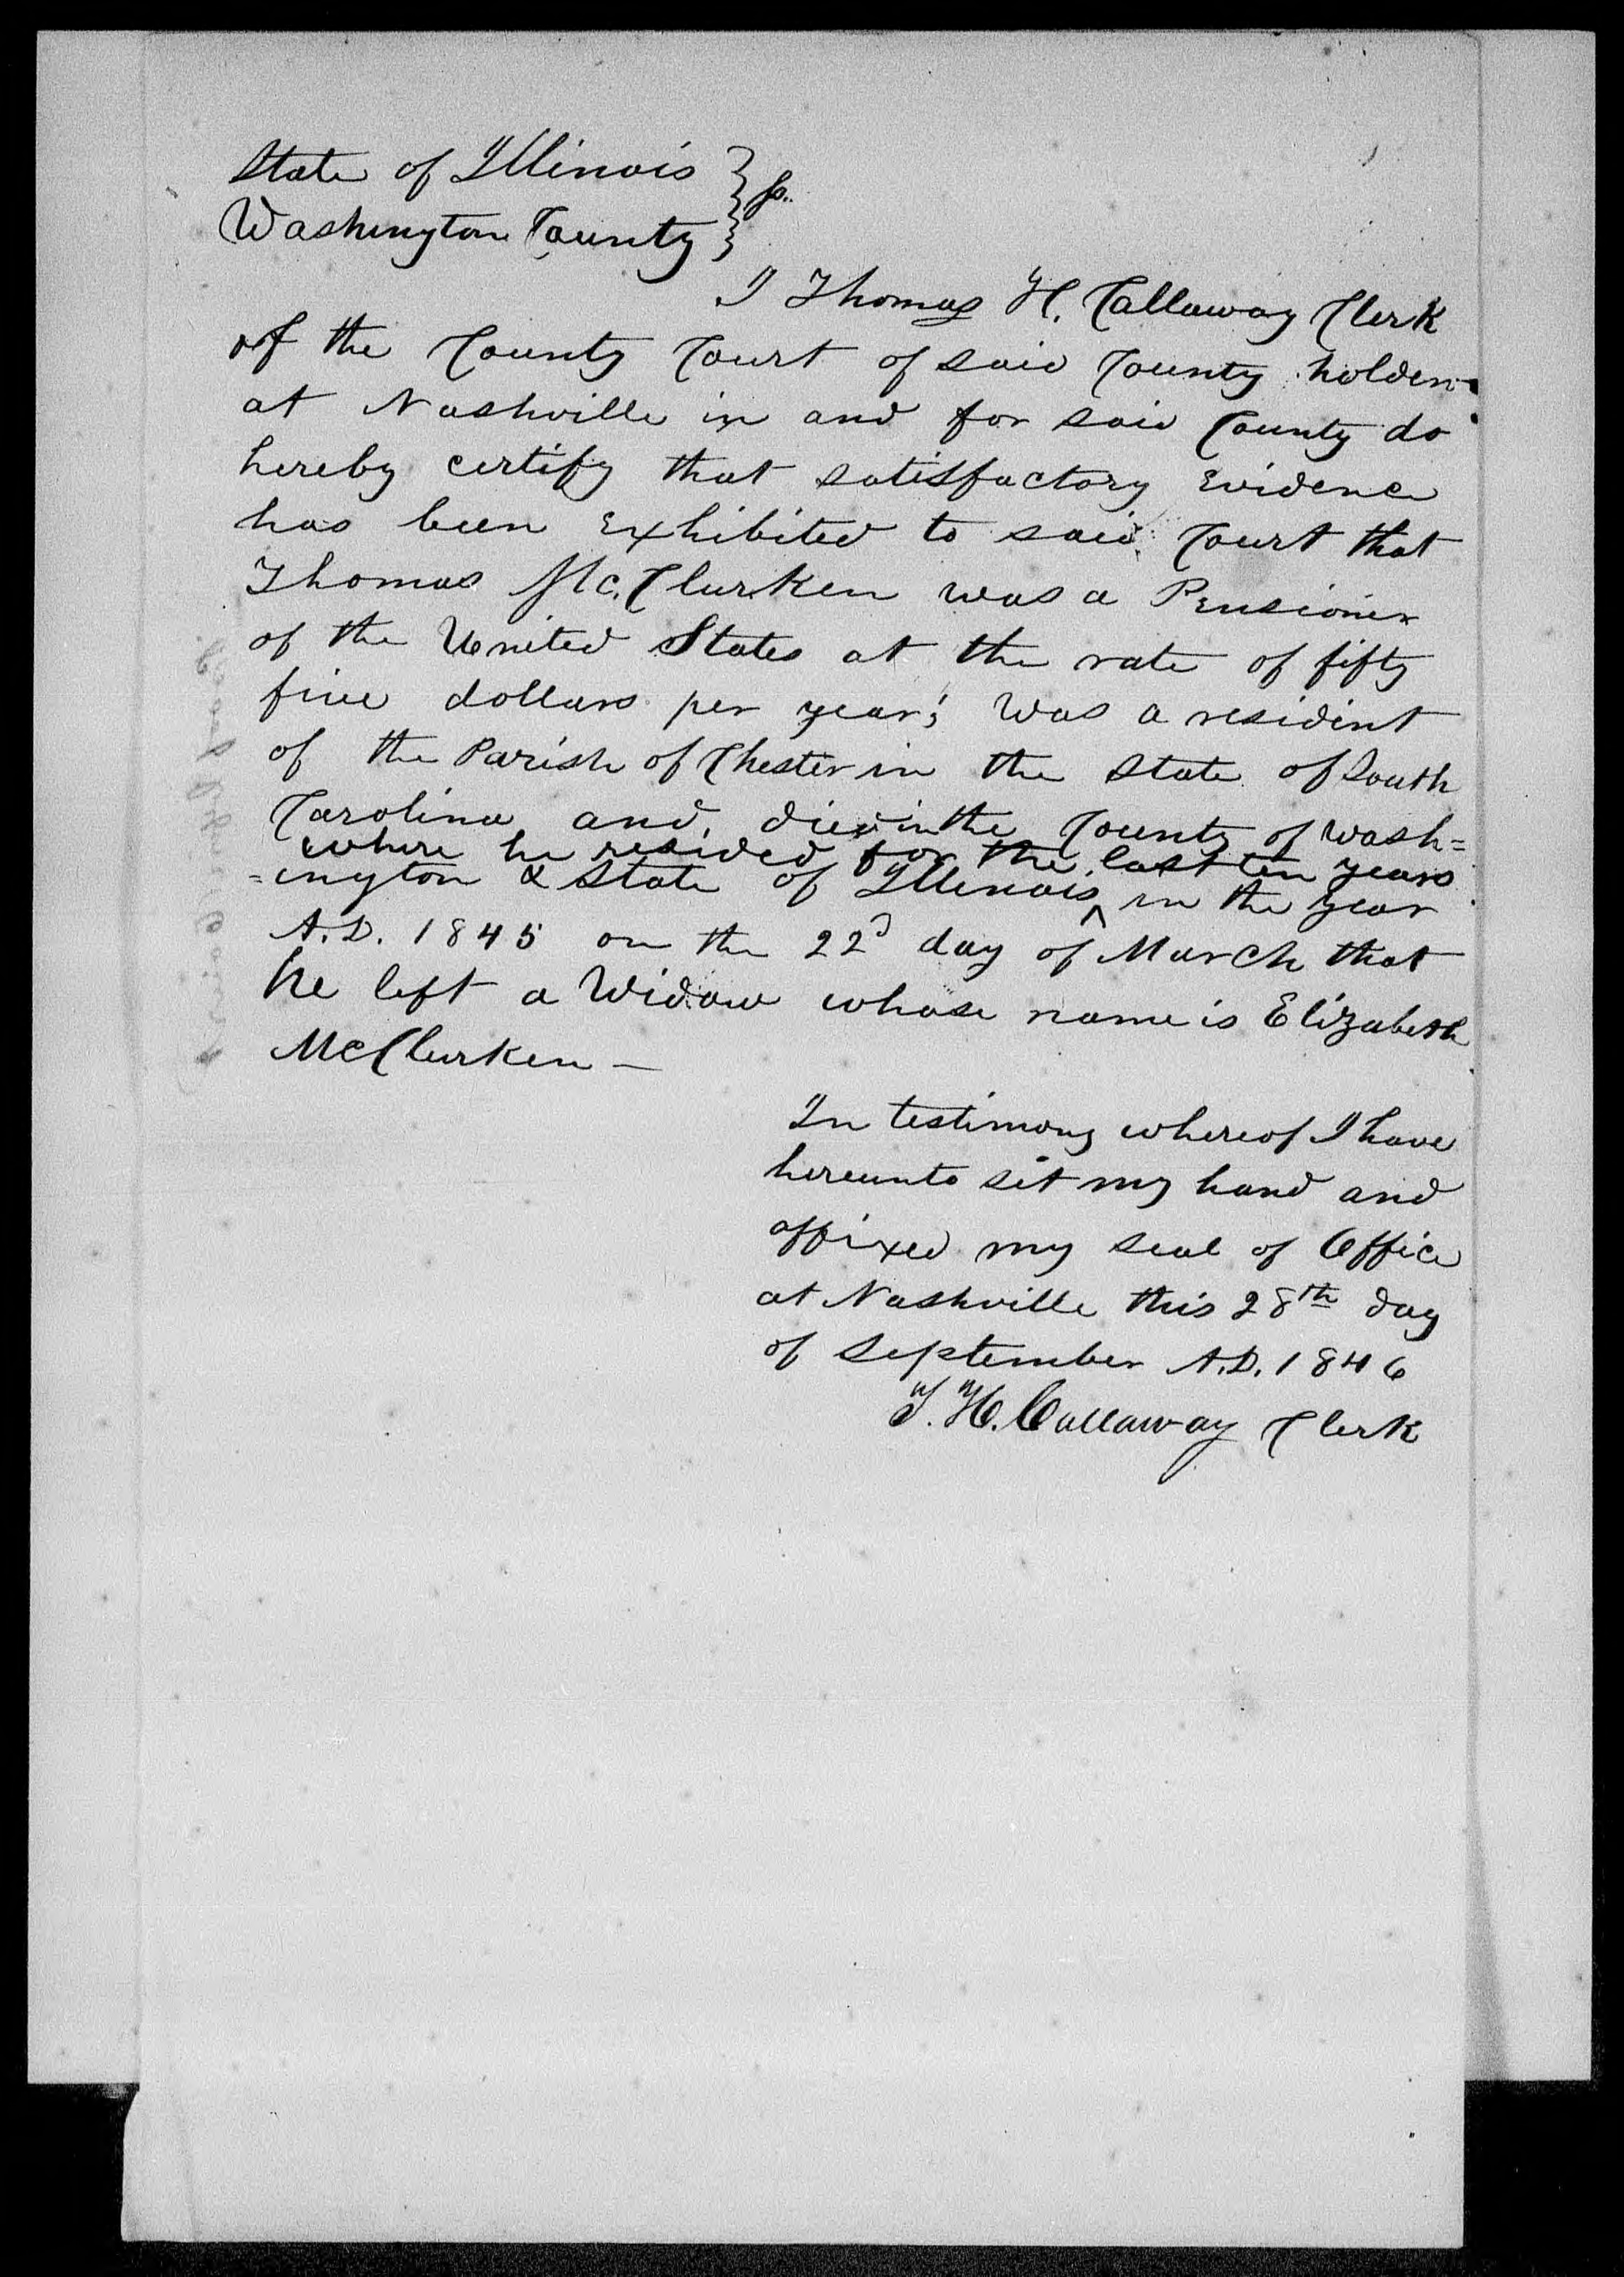State of Illinois} ss
Washington County} 

I Thomas H. Callaway Clerk of the County Court of said County holder at Nashville in and for said County do hereby certify that satisfactory evidence has been exhibited to said Court that Thomas McClurken was a Pensioner of the United States at the rate of fifty five dollars per year & was a resident of the Parish of Chester in the State of South Carolina and died in the County of Washington & state of Illinois where he resided for the last ten years in the year A.D. 1845 on the 22d day of March that he left a widow whose name is Elizabeth McClurken 

In testimony whereof I have 
hereunto set my hand and 
affixed my seal of Office 
at Nashville this 28th day 
of September A.D. 1846 

T.H. Callaway Clerk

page: 63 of 93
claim: widow's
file: W. 21792, for Thomas Mc Clurken, South Carolina